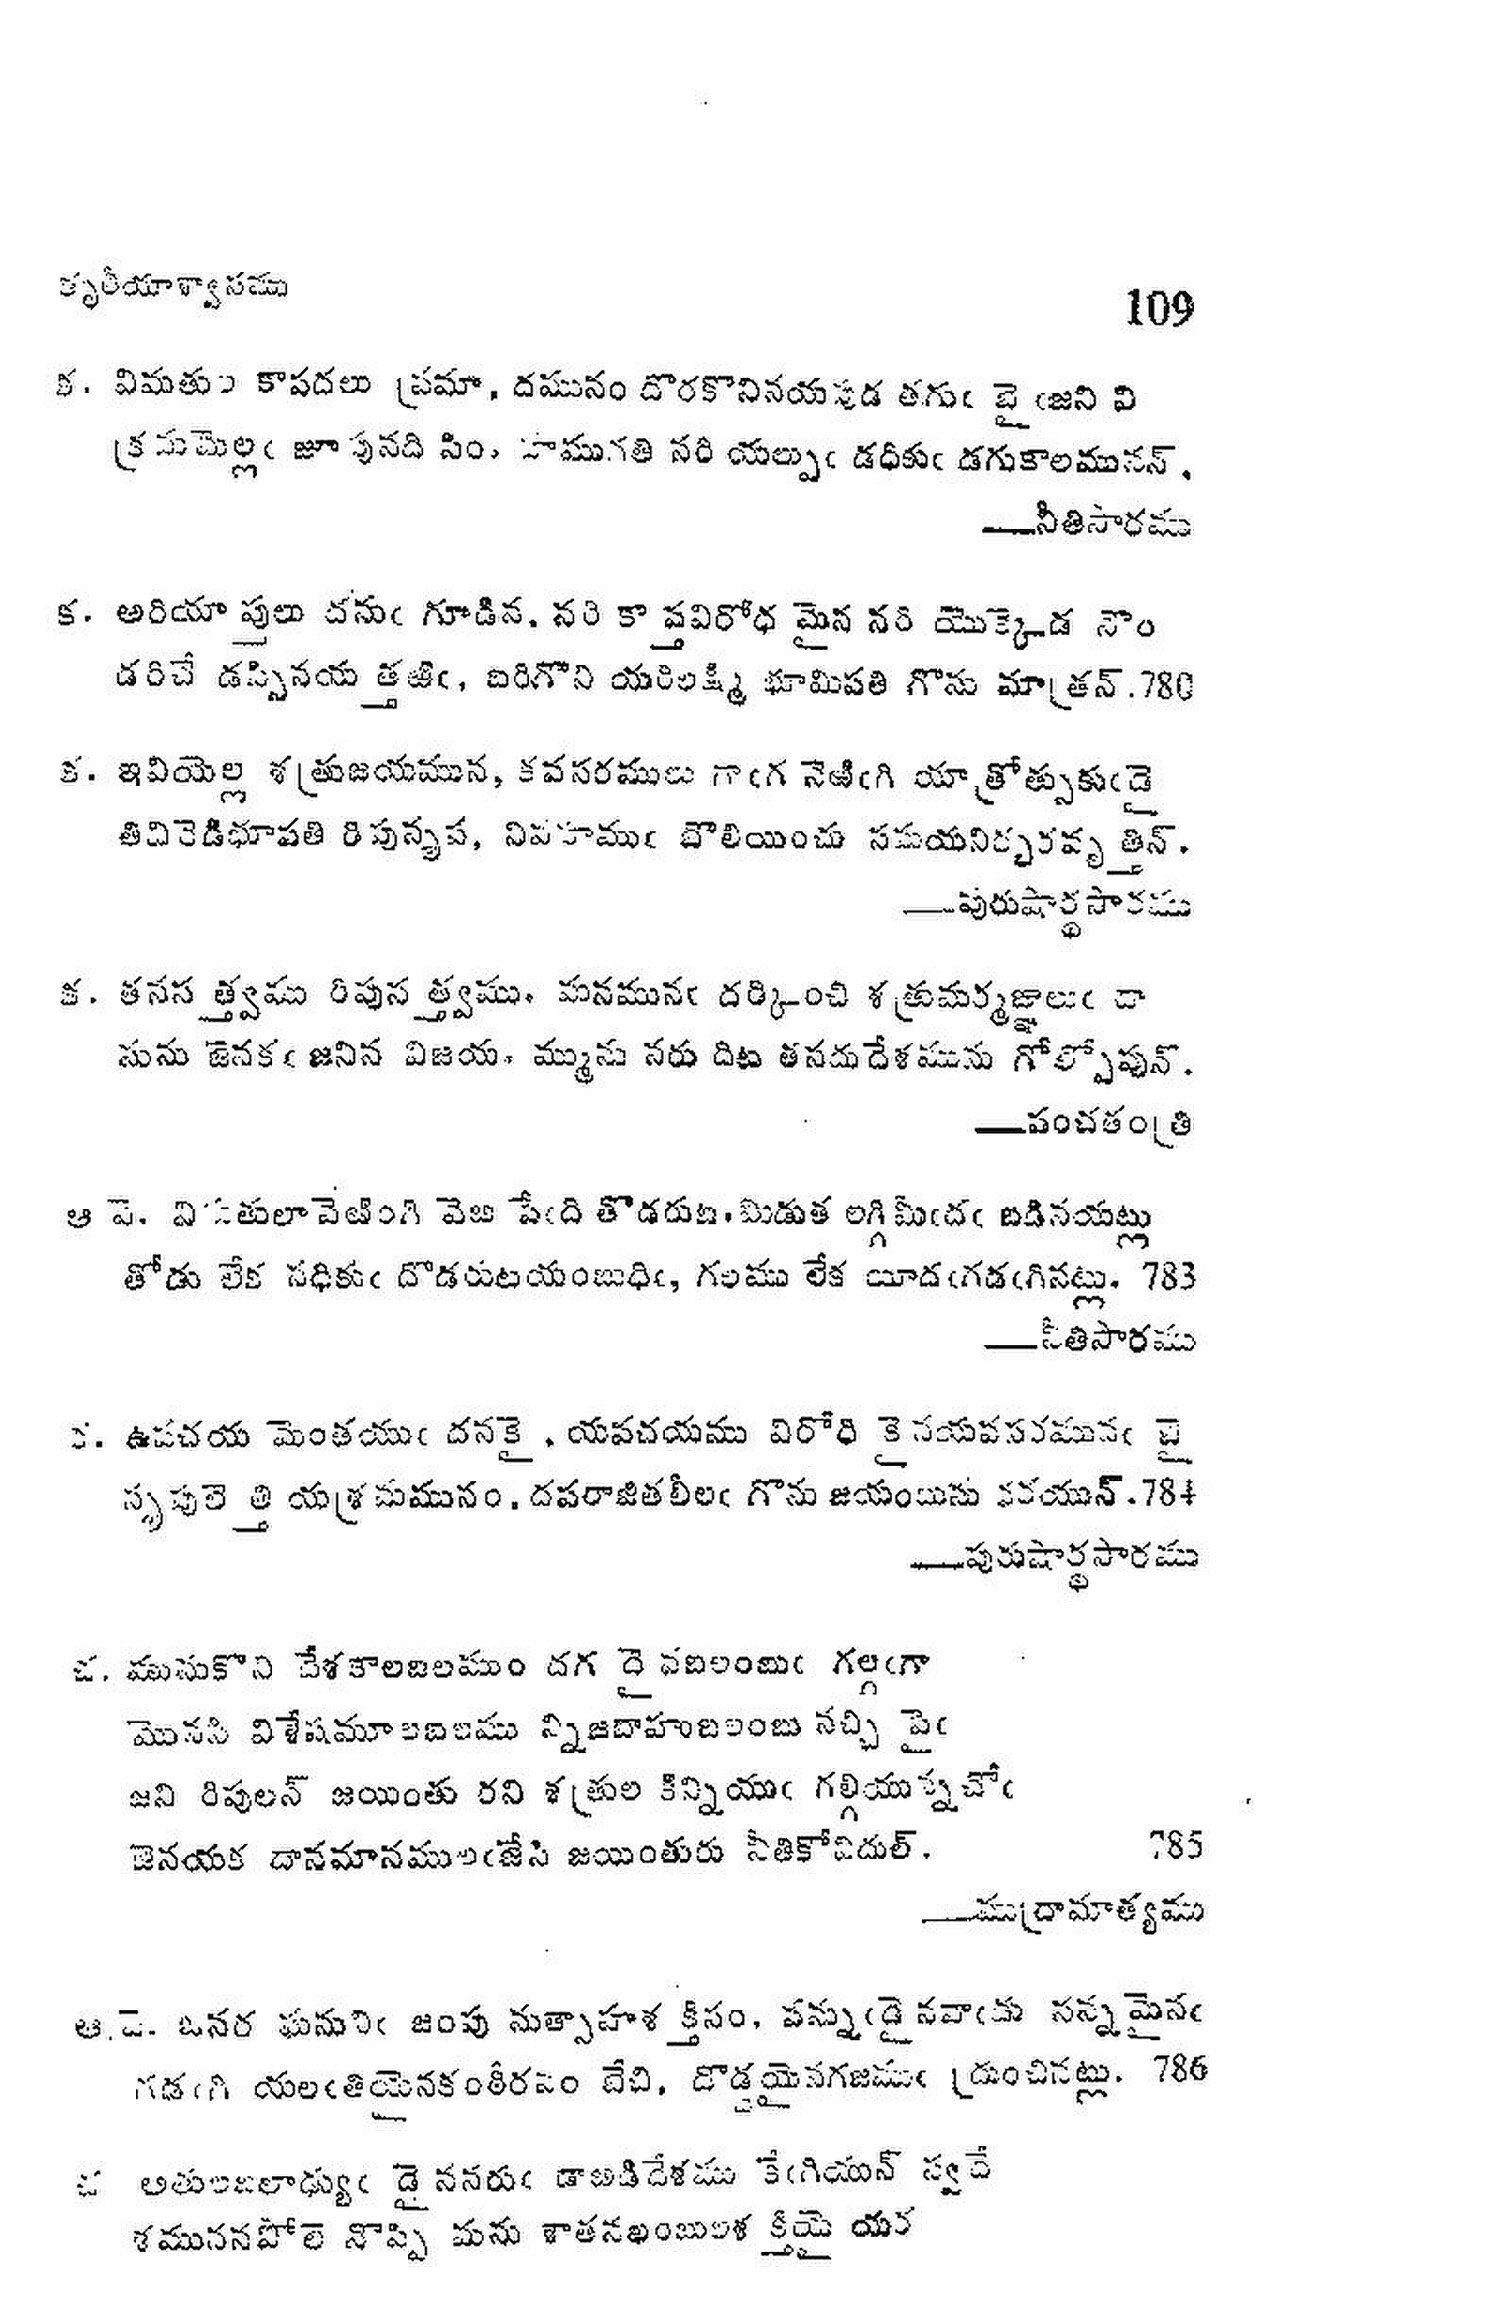క. విమతుల కాపదలు ప్రమా
దమునం దొరకొనినయపుడ తగుఁ బైఁజని వి
క్రమమెల్లఁ జూపునది సిం
హముగతి నరి యల్పుఁ డధికుఁ డగుకాలమునన్. 779

క. అరియాప్తులు దనుఁ గూడిన
నరి కాప్తవిరోధ మైన నరి యొక్కెడ నొం
డరిచే డస్సినయత్తఱిఁ
బరిగొని యరిలక్ష్మి భూమిపతి గొను మాత్రన్. 780

క. ఇవియెల్ల శత్రుజయమున
కవసరములు గాఁగ నెఱిఁగి యాత్రోత్సకుఁడై
తివిరెడి భూపతి రిపునృప
నినహముఁ బొలియించు సమయనిర్భరవృత్తిన్. 781

క. తనసత్త్వము రిపుసత్త్వము
మనమునఁ దర్కించి శత్రుమర్మజ్ఞులుఁ దా
నును జెనకఁ జనిన విజయ
మ్మును నరు దిట తనదుదేశమును గోల్పోవున్. 782

ఆ. వినుతులావెఱింగి వెఱ పేఁది తొడరుట
మిడుత లగ్గిమీఁదఁ బడినయట్లు
తోడు లేక నధికుఁ దొడరుట యంబుధిఁ
గలము లేక యీదఁగడఁగినట్లు. 783

క. ఉపచయ మెంతయుఁ దనకై
యుపచయము విరోధి కైనయవసరమునఁ బై
నృపులెత్తి యశ్రమమునం
దపరాజితలీలఁ గొను జయంబును ధరయున్. 784

చ. మునుకొని దేశకాలబలముం దగ దైవబలంబుఁ గల్గఁగా
మొనసి విశేషమూలబలము న్నిజబాహుబలంబు నచ్చి పైఁ
జని రిపులన్ జయింతు రని శత్రుల కిన్నియుఁ గల్గియున్నచోఁ
జెనయక దానమానములఁ జేసి జయింతురు నీతికోవిదుల్. 785

ఆ. ఒనర ఘనునిఁ జంపు నుత్సాహశక్తిసం
పన్నుఁ డైనవాఁడు సన్నమైనఁ
గడఁగి యలఁతియైన కంఠీరవం బేచి
దొడ్డయైనగజముఁ ద్రుంచినట్లు. 786

చ. అతులబలాఢ్యుఁ డైననరుఁ డాఱడిదేశము కేఁగియున్ స్వదే
శముననపోలె నొప్పి మను శాతనఖంబులశక్తియై యర